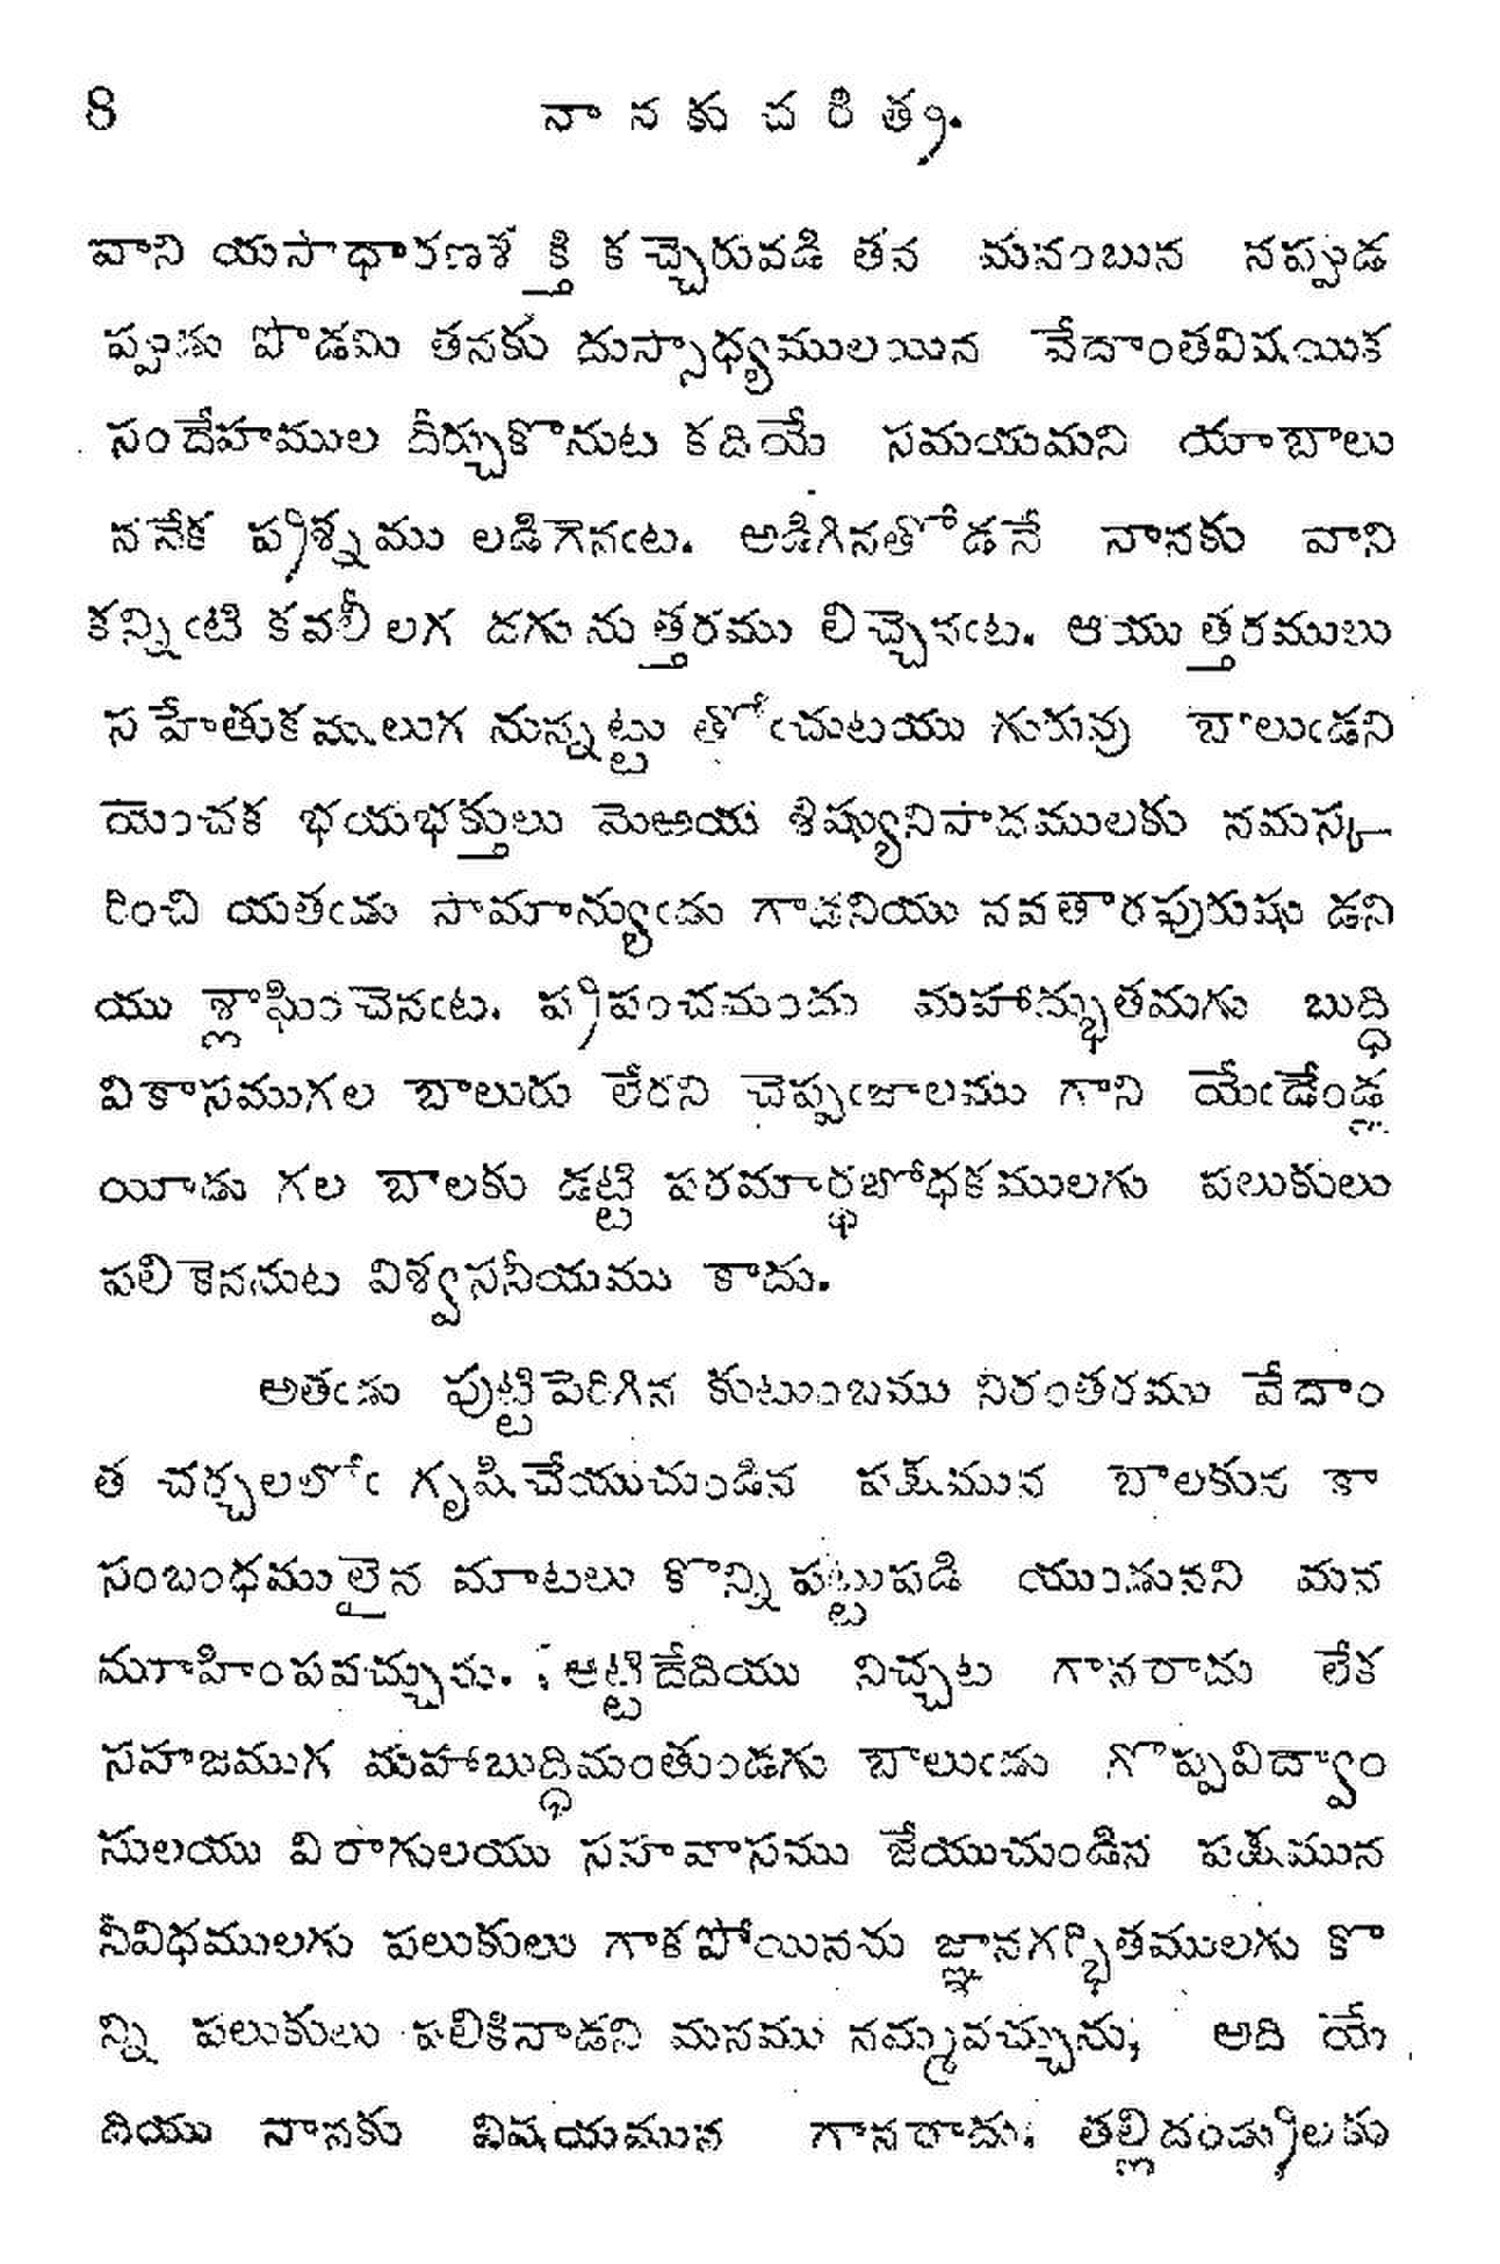వాని యసాధారణశక్తి కచ్చెరువడి తన మనంబున నప్పుడప్పుడు పొడమి తనకు దుస్సాధ్యములయిన వేదాంతవిషయిక సందేహముల దీర్చుకొనుట కదియే సమయమని యాబాలు ననేక ప్రశ్నము లడిగెనట. అడిగినతోడనే నానకు వాని కన్నిటి కవలీలగ దగునుత్తరము లిచ్చెనట. ఆయుత్తరములు సహేతుకములుగ నున్నట్టు తోచుటయు గురువు బాలుడని యెంచక భయభక్తులు మెఱయ శిష్యునిపాదములకు నమస్కరించి యతడు సామాన్యుడు గాడనియు నవతారపురుషు డనియు శ్లాఘించెనట. ప్రపంచమందు మహాద్భుతమగు బుద్ధివికాసముగల బాలురు లేరని చెప్పజాలము గాని యేడేండ్ల యీడు గల బాలకు డట్టి పరమార్థబోధకములగు పలుకులు పలికెననుట విశ్వసనీయము కాదు.

అతడు పుట్టిపెరిగిన కుటుంబము నిరంతరము వేదాంత చర్చలలో గృషిచేయుచుండిన పక్షమున బాలకున కా సంబంధములైన మాటలు కొన్నిపట్టుబడి యుండునని మన మూహింపవచ్చును. అట్టిదేదియు నిచ్చట గానరాదు లేక సహజముగ మహాబుద్ధిమంతుండగు బాలుడు గొప్పవిద్వాంసులయు విరాగులయు సహవాసము జేయుచుండిన పక్షమున నీవిధములగు పలుకులు గాకపోయినను జ్ఞానగర్భితములగు కొన్ని పలుకులు పలికినాడని మనము నమ్మవచ్చును, అది యేదియు నానకు విషయమున గానరాదు. తల్లిదండ్రులకు